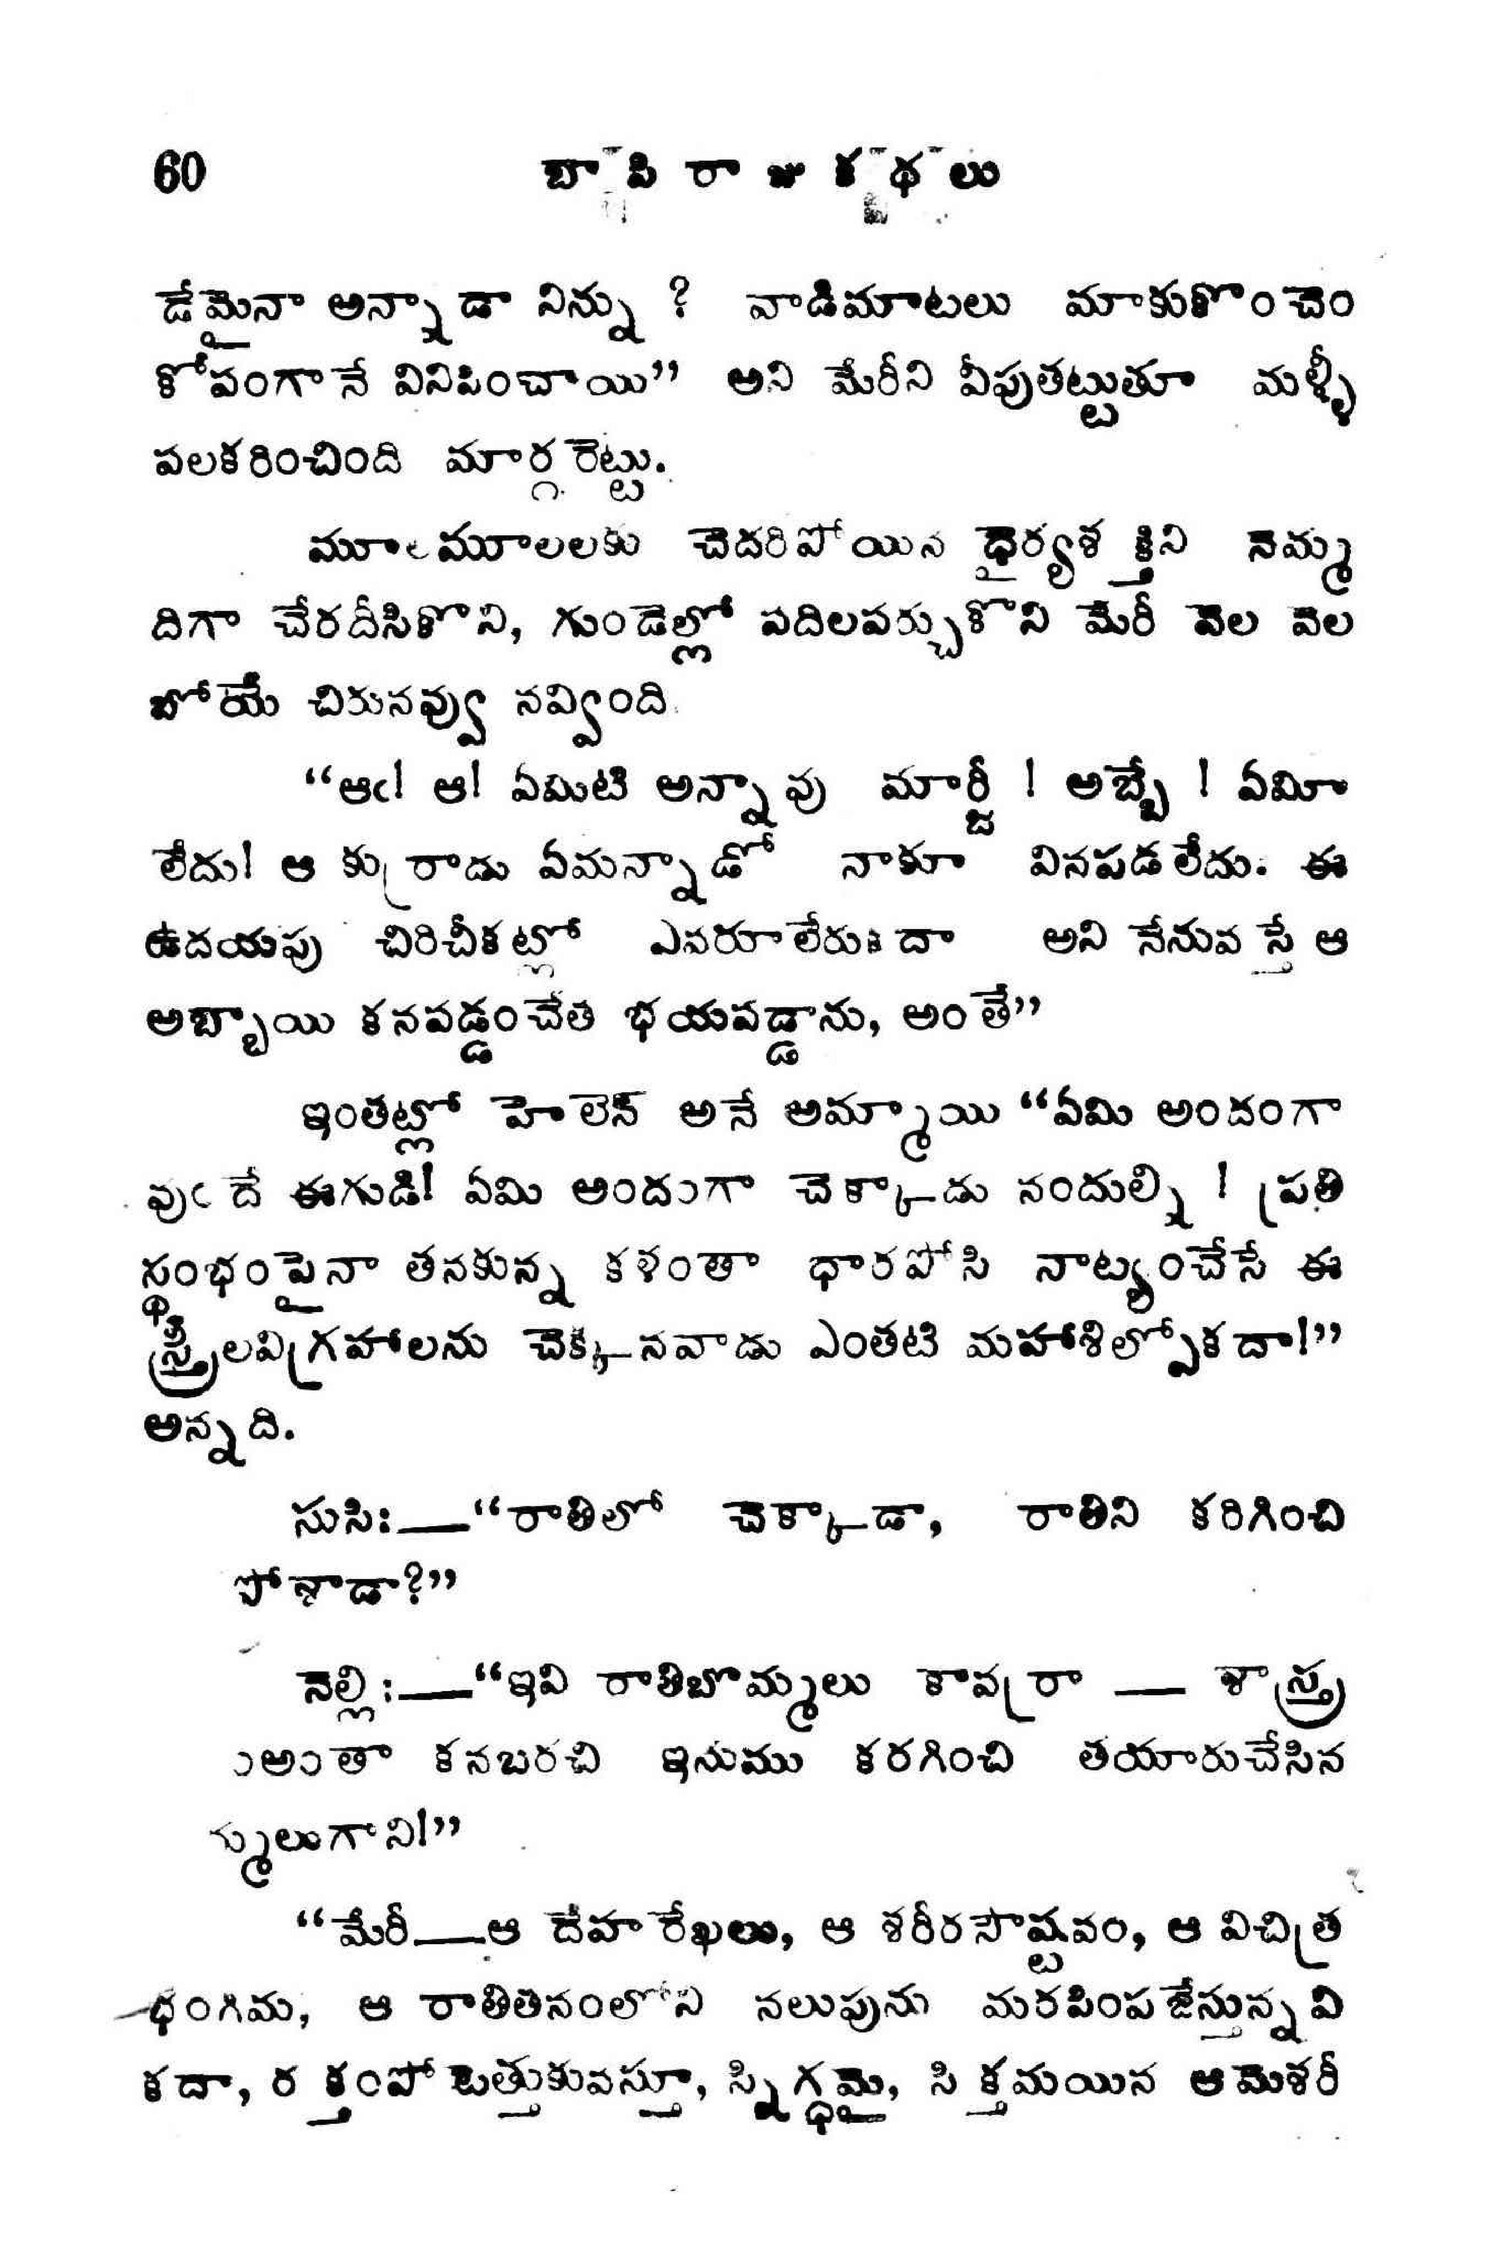డేమైనా అన్నాడా నిన్ను ? వాడిమాటలు మాకుకొంచెం కోపంగానే వినిపించాయి” అని మేరీని వీపుతట్టుతూ మళ్ళీ
పలకరించింది మార్గ రెట్టు.

మూలమూలలకు చెదరిపోయిన ధైర్యశక్తిని నెమ్మదిగా చేరదీసికొని, గుండెల్లో పదిలపర్చుకొని మేరీ వెల వెల బోయే చిరునవ్వు నవ్వింది

“ఆఁ ఆ! ఏమిటి అన్నావు మార్టీ! అబ్బే! ఏమీ లేదు! ఆ కుర్రాడు ఏమన్నాడో నాకూ వినపడ లేదు. ఈ ఉదయపు చిరిచీకట్లో ఎవరూ లేరు కదా అని నేనువస్తే ఆ అబ్బాయి కనపడ్డం చేత భయపడ్డాను, అంతే”

ఇంతట్లో హెలెన్ అనే అమ్మాయి "ఏమి అందంగా వుఁ దే ఈగుడి! ఏమి అందంగా చెక్కాడు నందుల్ని ప్రతి
స్థంభంపైనా తనకున్న కళంతా ధారపోసి నాట్యంచేసే ఈ స్త్రీల విగ్రహాలను చెక్కినవాడు ఎంతటి మహాశిల్పోకదా!”
అన్నది.

సుసిః "రాతిలో చెక్కాడా, రాతిని కరిగించి పోశాడా?"

నెల్లి : —“ఇవి రాతిబొమ్మలు కావర్రా——శాస్త్రము అంతా కనబరచి ఇనుము కరిగించి తయారుచేసిన బొమ్మలుగాని!”

"మేరీ—ఆ దేహ రేఖలు, ఆ శరీరసౌష్టవం, ఆ విచిత్ర భంగిమ, ఆ రాతితనంలోని నలుపును మరపింపజేస్తున్నవి
కదా, రక్తంపో టెత్తుకువస్తూ, స్నిగ్ధమై, సిక్తమయిన ఆమెశరీ